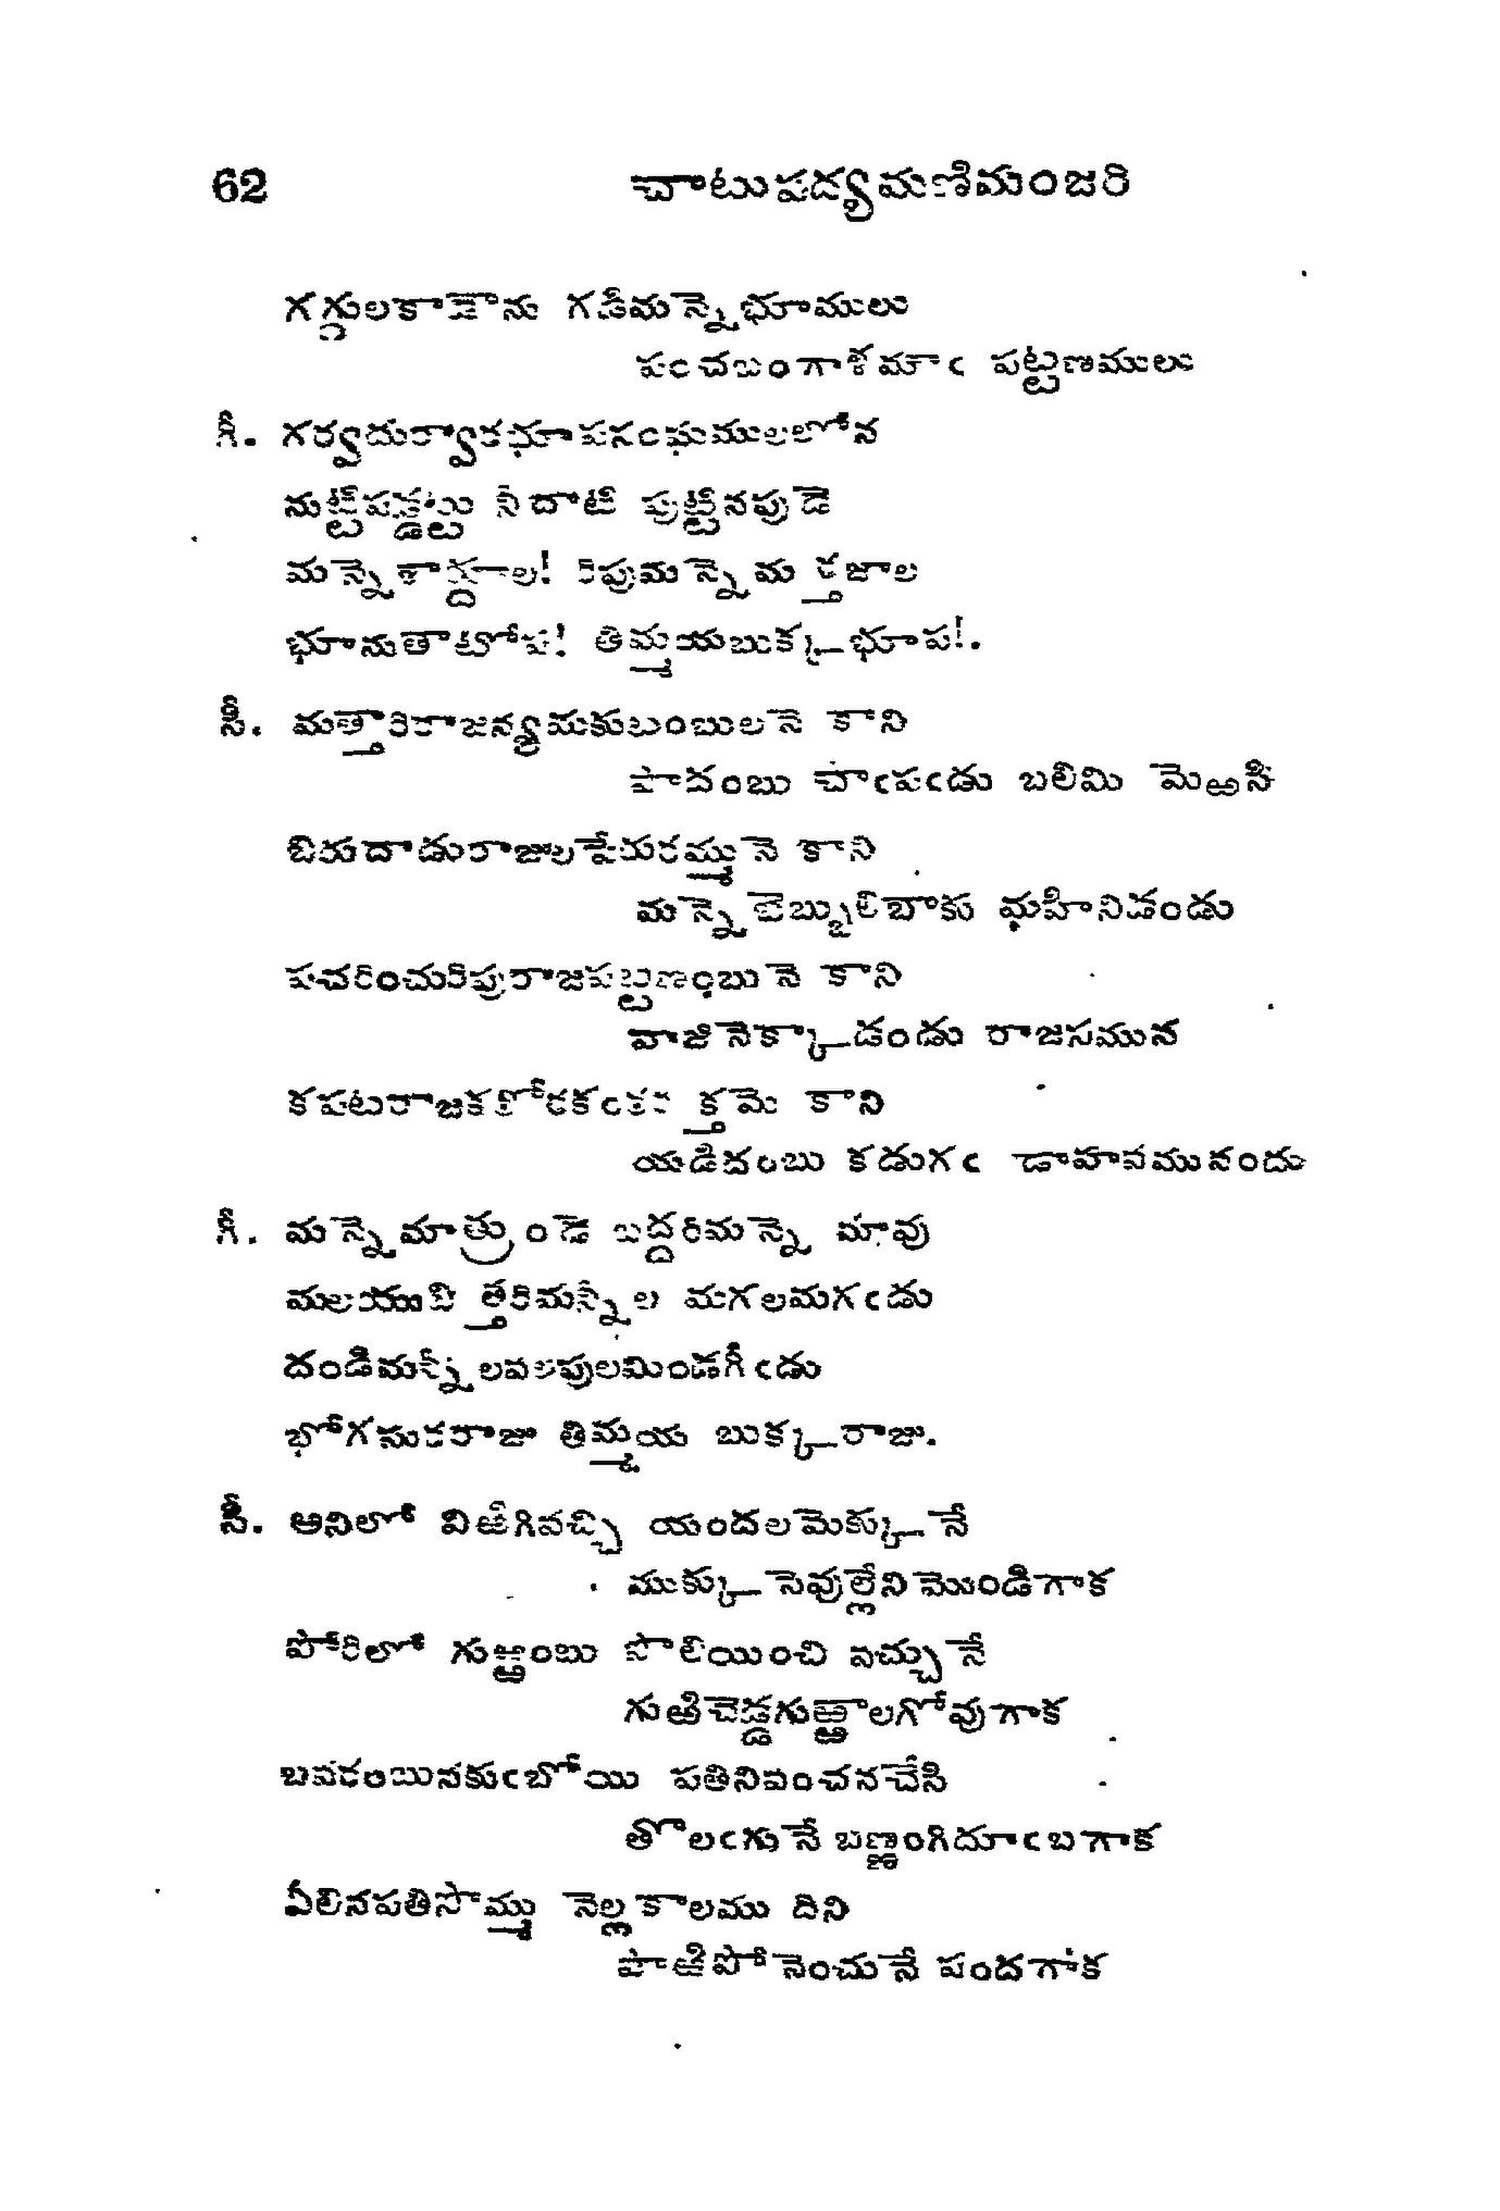గగ్గులకాడౌను గడిమన్నెభూములు
 పంచబంగాళమౌఁ బట్టణములు
గీ. గర్వదుర్వారభూపసంఘములలోన
 నుట్టుపడ్డట్టు నీధాటి పుట్టినపుడె
 మన్నెశార్దూల! రిపుమన్నెమర్తజాల!
 భూనుతాటోప! తిమ్మయబుక్కభూప!
సీ. మత్తారిరాజన్యమకుటంబులనె కాని
 పాదంబు చాఁపఁడు బలిమి మెఱసి
 బిరుదాడురాజులపేరురమ్మునె కాని
 మన్నెబెబ్బులిబాకు మహి నిడండు
 పచరించురిపురాజపట్టణంబునె కాని
 వాజి నెక్కాడండు రాజసమున
 కపటరాజకఠోరకంఠరక్తమె కాని
 యడిదంబు కడుగఁ డాహవమునందు
గీ. మన్నెమాత్రుండె బద్దరిమన్నె మావు
 మలయుబిత్తరిమన్నీల మగలమగఁడు
 దండిమన్నీలవలపులమిండగీఁడు
 భోగసురరాజు తిమ్మయ బుక్కరాజు.
సీ. అనిలో విఱిగివచ్చి యందల మెక్కునే
 ముక్కుసెవుల్లేని మొండి గాక
 పోరిలో గుఱ్ఱంబు పొలియించి వచ్చునే
 గుఱిచెడ్డ గుఱ్ఱాల గోవు గాక
 బవరంబునకుఁ బోయి పతిని వంచన చేసి
 తొలఁగునే బణ్ణంగిదూఁబ గాక
 ఏలినపతిసొమ్ము నెల్లకాలము దిని
 పాఱిపోనెంచునే పంద గాక